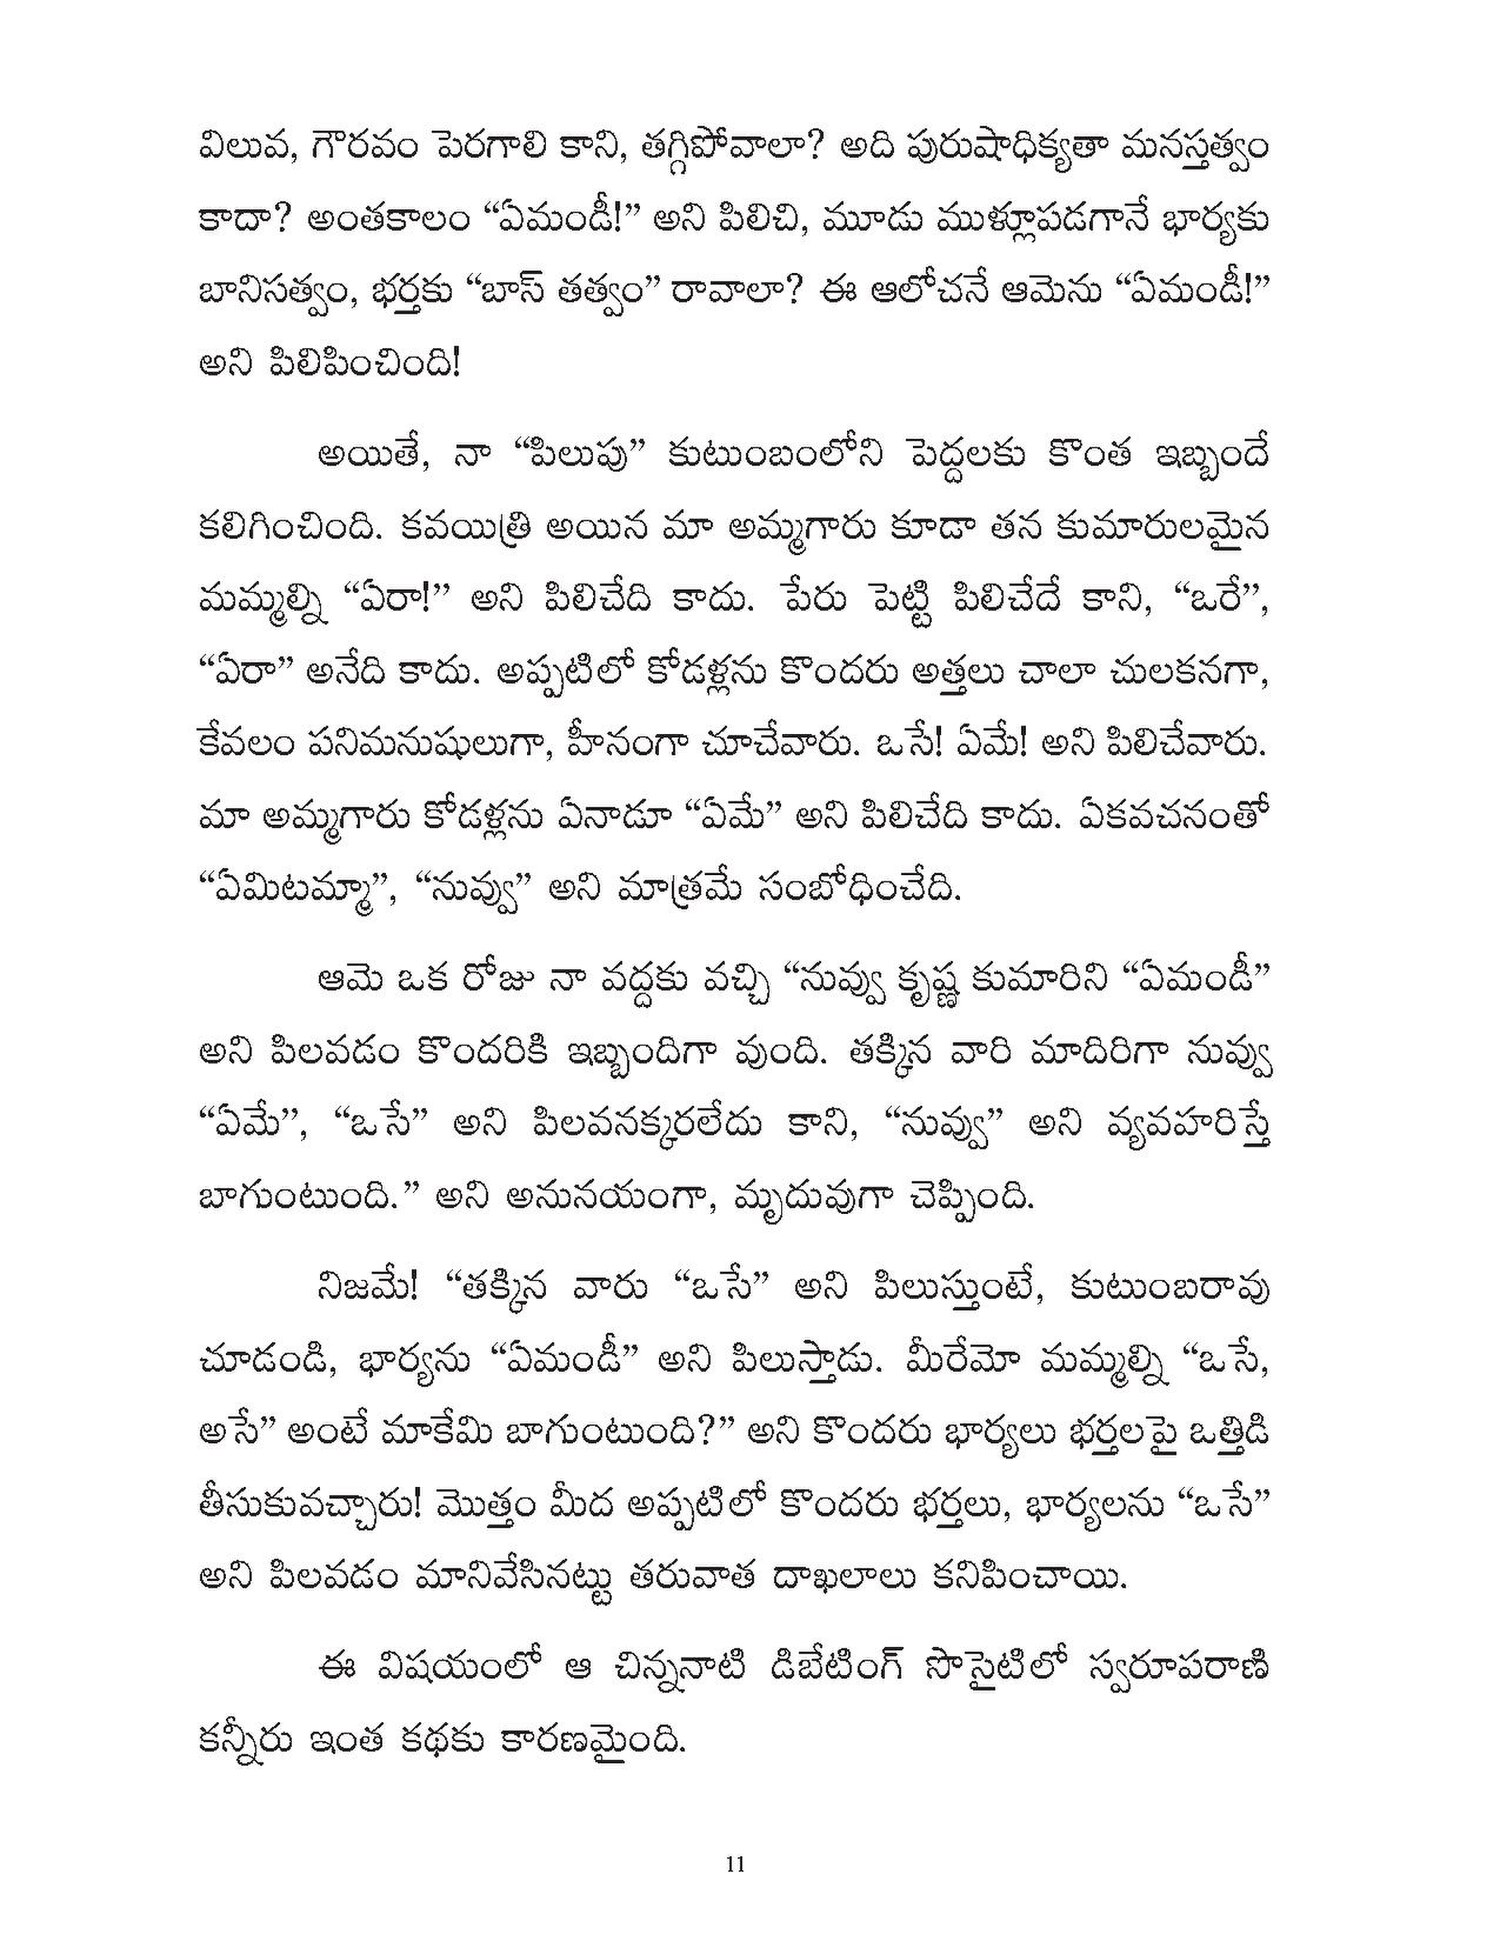విలువ, గౌరవం పెరగాలి కాని, తగ్గిపోవాలా? అది పురుషాధిక్యతా మనస్తత్వం
కాదా? అంతకాలం "ఏమండీ!" అని పిలిచి, మూడు ముళ్లుపడగానే భార్యకు
బానిసత్వం, భర్తకు "బాస్‌ తత్వం" రావాలా? ఈ ఆలోచనే ఆమెను "ఏమండీ!"
అని పిలిపించింది!

అయితే, నా "పిలుపు" కుటుంబంలోని పెద్దలకు కొంత ఇబ్బందే
కలిగించింది. కవయిత్రి అయిన మా అమ్మగారు కూడా తన కుమారులమైన
మమ్మల్ని "ఏరా!" అని పిలిచేది కాదు. పేరు పెట్టి పిలిచేదే కాని, "ఒరే",
"ఏరా" అనేది కాదు. అప్పటిలో కోడళ్లను కొందరు అత్తలు చాలా చులకనగా,
కేవలం పనిమనుషులుగా, హీనంగా చూచేవారు. ఒసే! ఏమే! అని పిలిచేవారు.
మా అమ్మగారు కోడళ్లను ఏనాడూ "ఏమే" అని పిలిచేది కాదు. ఏకవచనంతో
"ఏమిటమ్మా", "నువ్వు" అని మాత్రమే సంబోధించేది.

ఆమె ఒక రోజు నా వద్దకు వచ్చి "నువ్వు కృష్ణ కుమారిని "ఏమండీ"
అని పిలవడం కొందరికి ఇబ్బందిగా వుంది. తక్కిన వారి మాదిరిగా నువ్వు
"ఏమే", "ఒసే" అని పిలవనక్కరలేదు కాని, "నువ్వు" అని వ్యవహరిస్తే
బాగుంటుంది." అని అనునయంగా, మృదువుగా చెప్పింది.

నిజమే! "తక్కిన వారు "ఒసే" అని పిలుస్తుంటే, కుటుంబరావు
చూడండి, భార్యను "ఏమండీ" అని పిలుస్తాడు. మీరేమో మమ్మల్ని "ఒసే,
అసే" అంటే మాకేమి బాగుంటుంది?" అని కొందరు భార్యలు భర్తలపై ఒత్తి
తీసుకువచ్చారు! మొత్తం మీద అప్పటిలో కొందరు భర్తలు, భార్యలను "ఒసే"
అని పిలవడం మానివేసినట్టు తరువాత దాఖలాలు కనిపించాయి.

ఈ విషయంలో ఆ చిన్ననాటి డిబేటింగ్‌ సొసైటిలో స్వరూపరాణి
కన్నీరు ఇంత కథకు కారణమైంది.